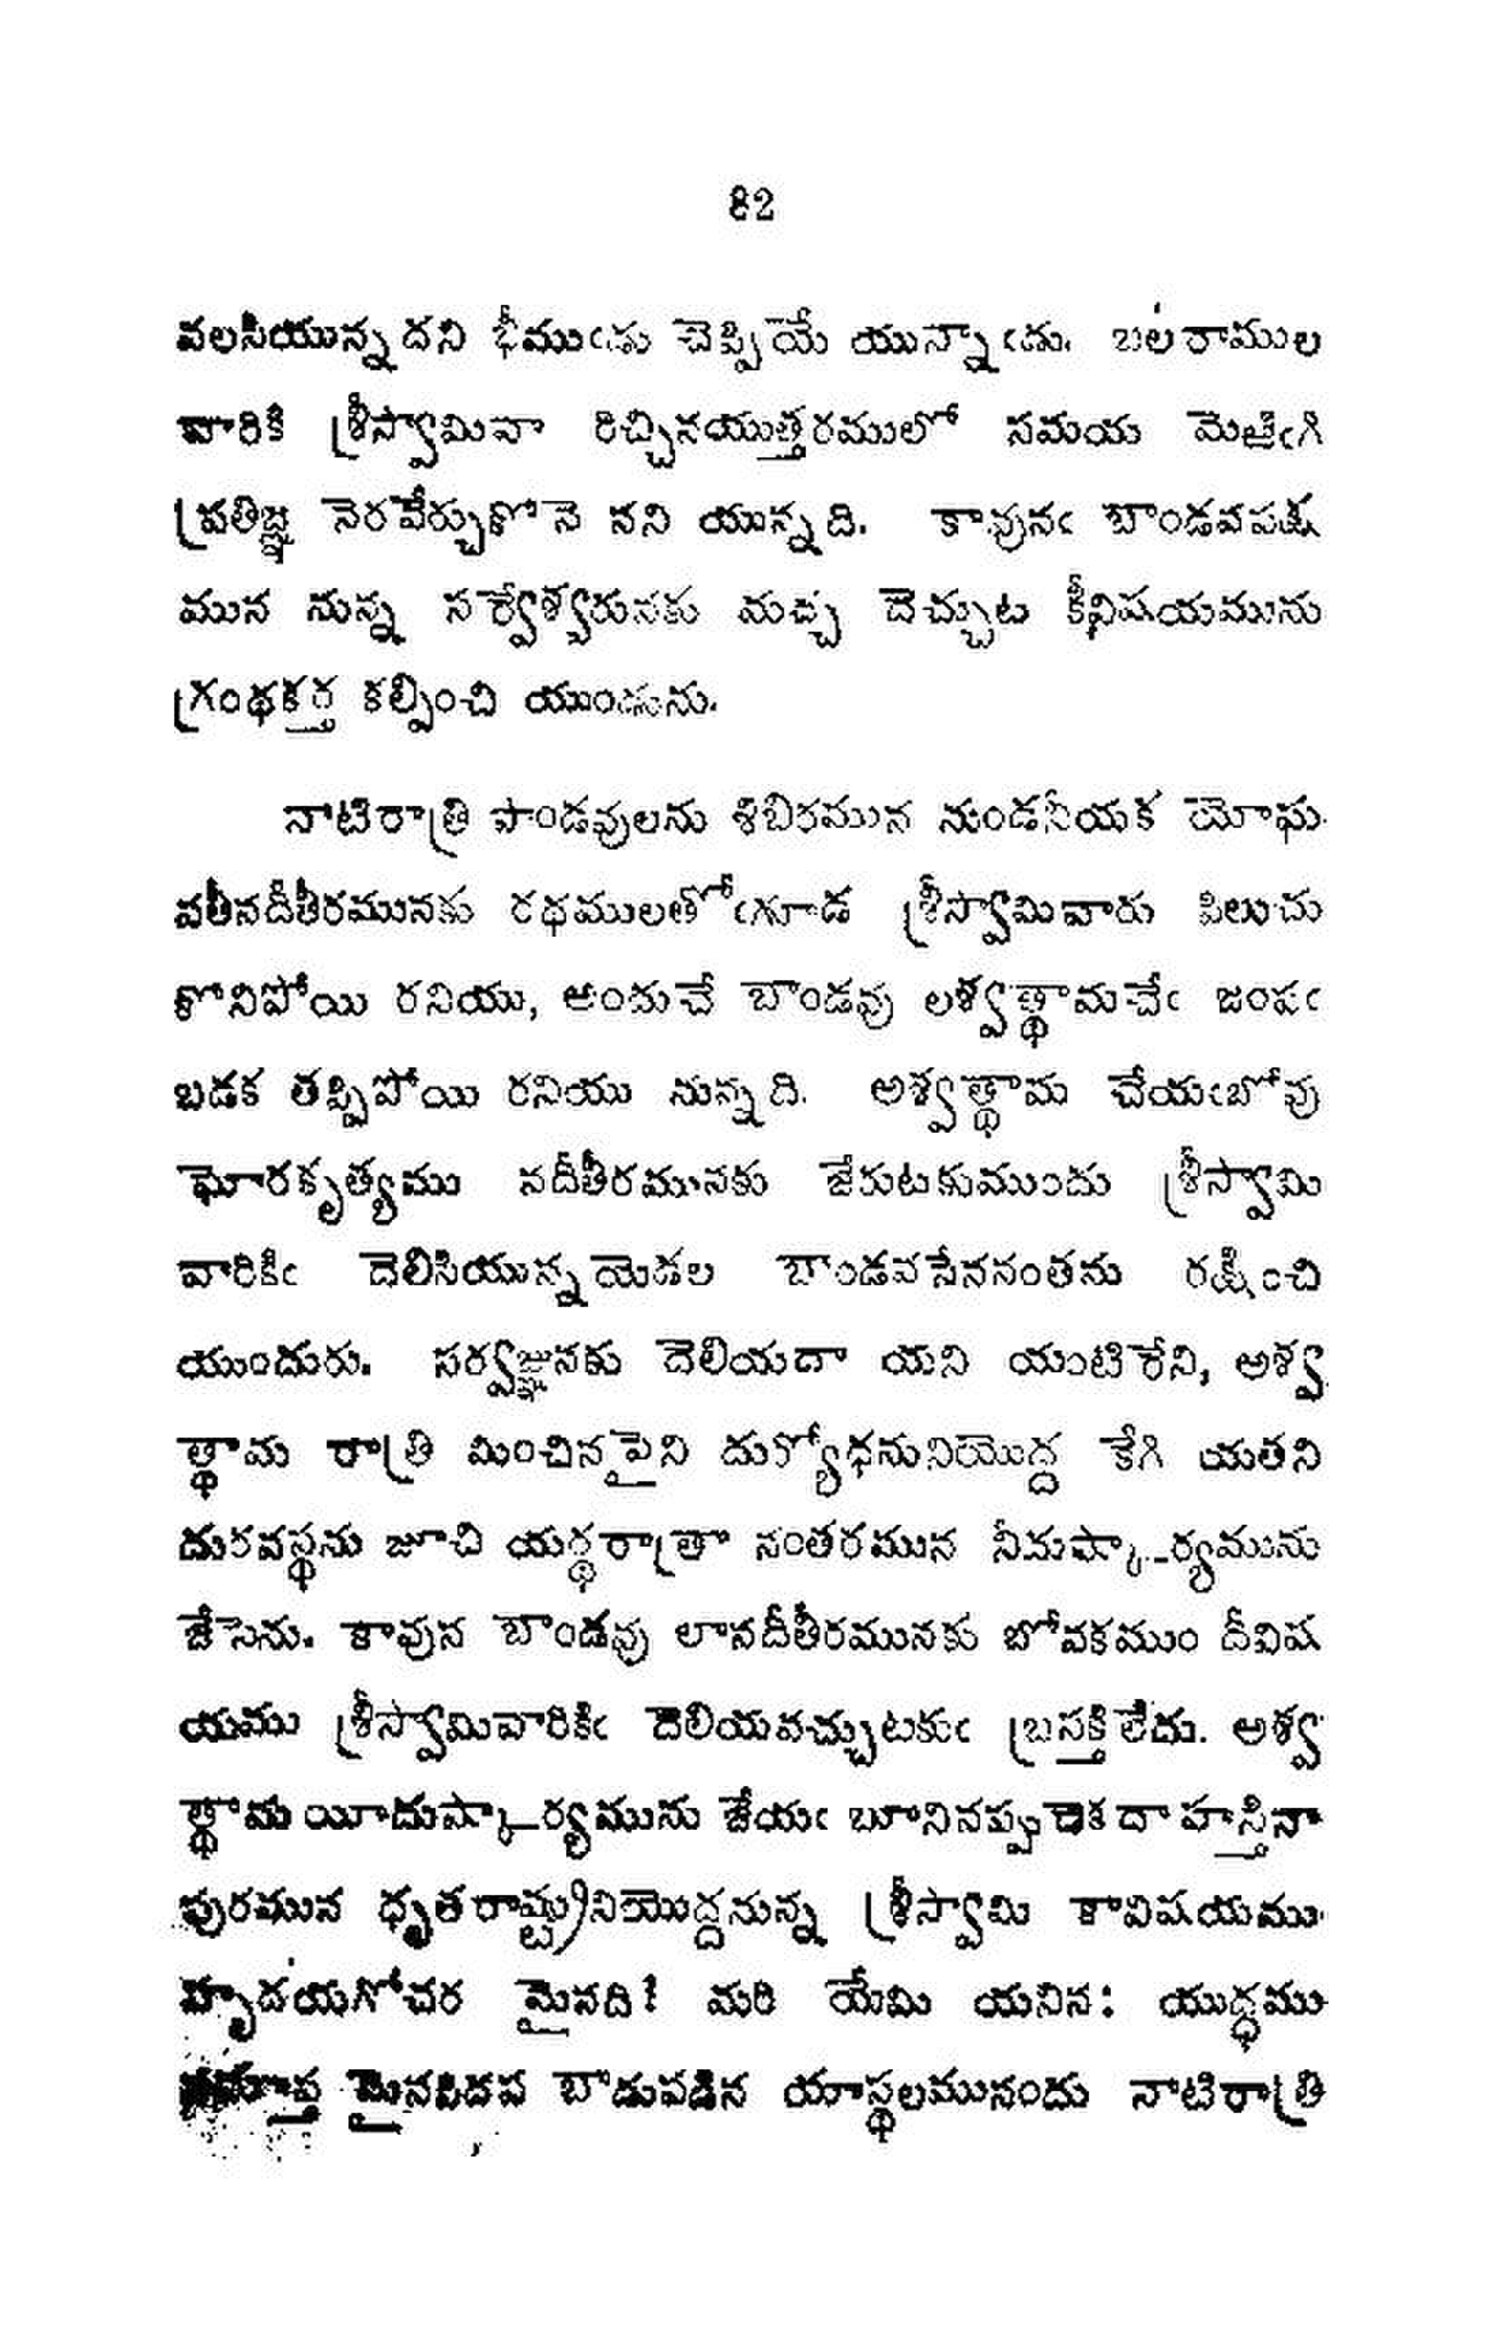వలసియున్నదని భీముఁడు చెప్పియే యున్నాఁడు. బలరాముల వారికి శ్రీస్వామివా రిచ్చినయుత్తరములో సమయ మెఱిఁగి ప్రతిజ్ఞ నెరవేర్చుకొనె నని యున్నది. కావునఁ బాండవపక్షమున నున్న సర్వేశ్వరునకు మచ్చ దెచ్చుట కీవిషయమును గ్రంథకర్త కల్పించి యుండును.

నాటిరాత్రి పాండవులను శిబిరమున నుండనీయక యోఘవతీనదీతీరమునకు రథములతోఁగూడ శ్రీస్వామివారు పిలుచుకొనిపోయి రనియు, అందుచే బాండవు లశ్వత్థామచేఁ జంపఁబడక తప్పిపోయి రనియు నున్నది. అశ్వత్థామ చేయఁబోవు ఘోరకృత్యము నదీతీరమునకు జేరుటకుముందు శ్రీస్వామివారికిఁ దెలిసియున్న యెడల బాండవసేననంతను రక్షించి యుందురు. సర్వజ్ఞునకు దెలియదా యని యంటిరేని, అశ్వత్థామ రాత్రి మించినపైని దుర్యోధనునియొద్ద కేగి యతని
దురవస్థను జూచి యర్థరాత్రా నంతరమున నీదుష్కార్యమును జేసెను. కావున బాండవు లానదీతీరమునకు బోవకముం దీవిషయము శ్రీస్వామివారికిఁ దెలియవచ్చుటకుఁ బ్రసక్తిలేదు. అశ్వత్థామ యీదుష్కార్యమును జేయఁ బూనినప్పుడెకదాహస్తినాపురమున ధృతరాష్ట్రునియొద్దనున్న శ్రీస్వామి కావిషయము హృదయగోచర మైనది ? మరి యేమి యనిన : యుద్ధము సమాప్త మైనపిదప బాడుపడిన యాస్థలమునందు నాటిరాత్రి